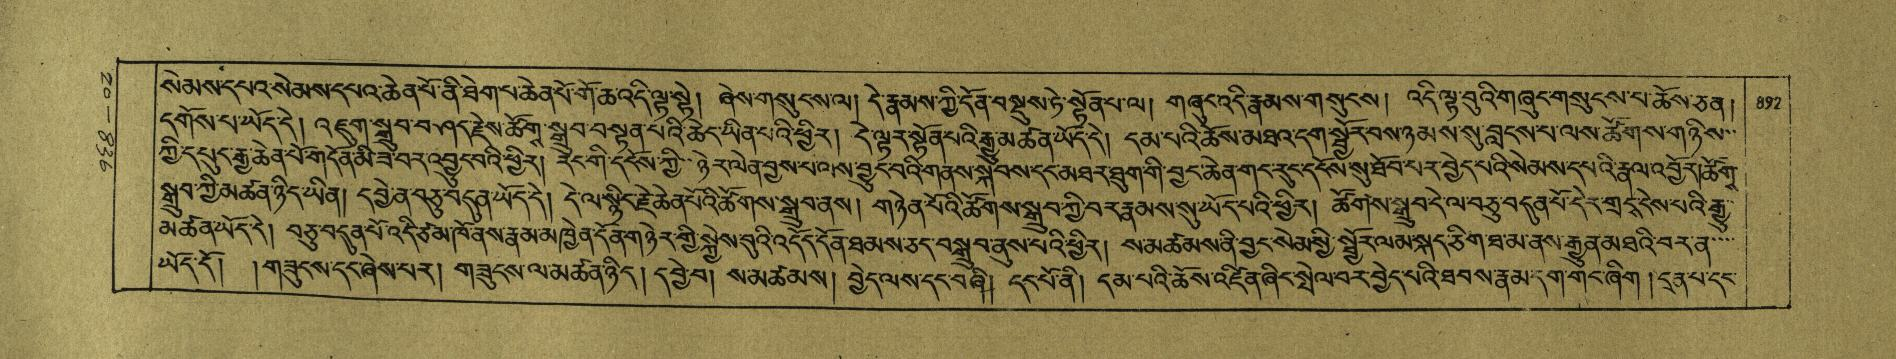སེམས་དཔའ་སེམས་དཔའ་ཆེན་པོ་ནི་ཐེག་པ་ཆེན་པོ་གོ་ཆ་འདི་ལྟ་སྟེ། ཞེས་གསུངས་ལ། དེ་རྣམས་ཀྱི་དོན་བསྡུས་ཏེ་སྟོན་པ་ལ། གཞུང་འདི་རྣམས་གསུངས། འདི་ལྟ་བུའི་གཞུང་གསུངས་པ་ཆོས་ཅན།
དགོས་པ་ཡོད་དེ། འཇུག་སྒྲུབ་བཤད་རྗེས་ཚོགས་སྒྲུབ་བསྟན་པའི་ཆེད་ཡིན་པའི་ཕྱིར། དེ་ལྟར་སྟོན་པའི་རྒྱུ་མཚན་ཡོད་དེ། དམ་པའི་ཆོས་མཐའ་དག་སྦྱོར་བས་ཉམས་སུ་བླངས་པ་ལས་ཚོགས་གཉིས་
ཀྱི་དཔུང་རྒྱ་ཆེན་པོ་གདོན་མི་ཟ་བར་འབྱུང་བའི་ཕྱིར། རང་གི་དངོས་ཀྱི་ཉེར་ལེན་བྱས་པ་ལས་བྱུང་བའི་གནས་སྐབས་དང་མཐར་ཐུག་གི་བྱང་ཆེན་གང་རུང་དངོས་སུ་ཐོབ་པར་བྱེད་པའི་སེམས་དཔའི་རྣལ་འབྱོར། ཚོགས་
སྒྲུབ་ཀྱི་མཚན་ཉིད་ཡིན། དབྱེ་ན་བཅུ་བདུན་ཡོད་དེ། དེ་ལ་སྙིང་རྗེ་ཆེན་པོའི་ཚོགས་སྒྲུབ་ནས། གཉེན་པོའི་ཚོགས་སྒྲུབ་ཀྱི་བར་རྣམས་སུ་ཡོད་པའི་ཕྱིར། ཚོགས་སྒྲུབ་དེ་ལ་བཅུ་བདུན་པོ་དེར་གྲངས་ངེས་པའི་རྒྱུ་
མཚན་ཡོད་དེ། བཅུ་བདུན་པོ་འདི་ཙམ་ཁོ་ནས་རྣམ་མཁྱེན་དོན་གཉེར་གྱི་སྐྱེས་བུའི་འདོད་དོན་ཐམས་ཅད་བསྒྲུབ་ནུས་པའི་ཕྱིར། ས་མཚམས་ནི་བྱང་སེམས་སྱི་སྦྱོར་ལམ་སྐད་ཅིག་ཐ་མ་ནས་རྒྱུན་མཐའི་བར་ན་
ཡོད་དོ། །གཟུངས་དང་ཞེས་པར། གཟུངས་ལ་མཚན་ཉིད། དབྱེ་བ། ས་མཚམས། བྱེད་ལས་དང་བཞི། དང་པོ་ནི། དམ་པའི་ཆོས་འཛིན་ཞིང་སྤེལ་བར་བྱེད་པའི་ཐབས་རྣམ་དག་གང་ཞིག །དྲན་པ་དང་